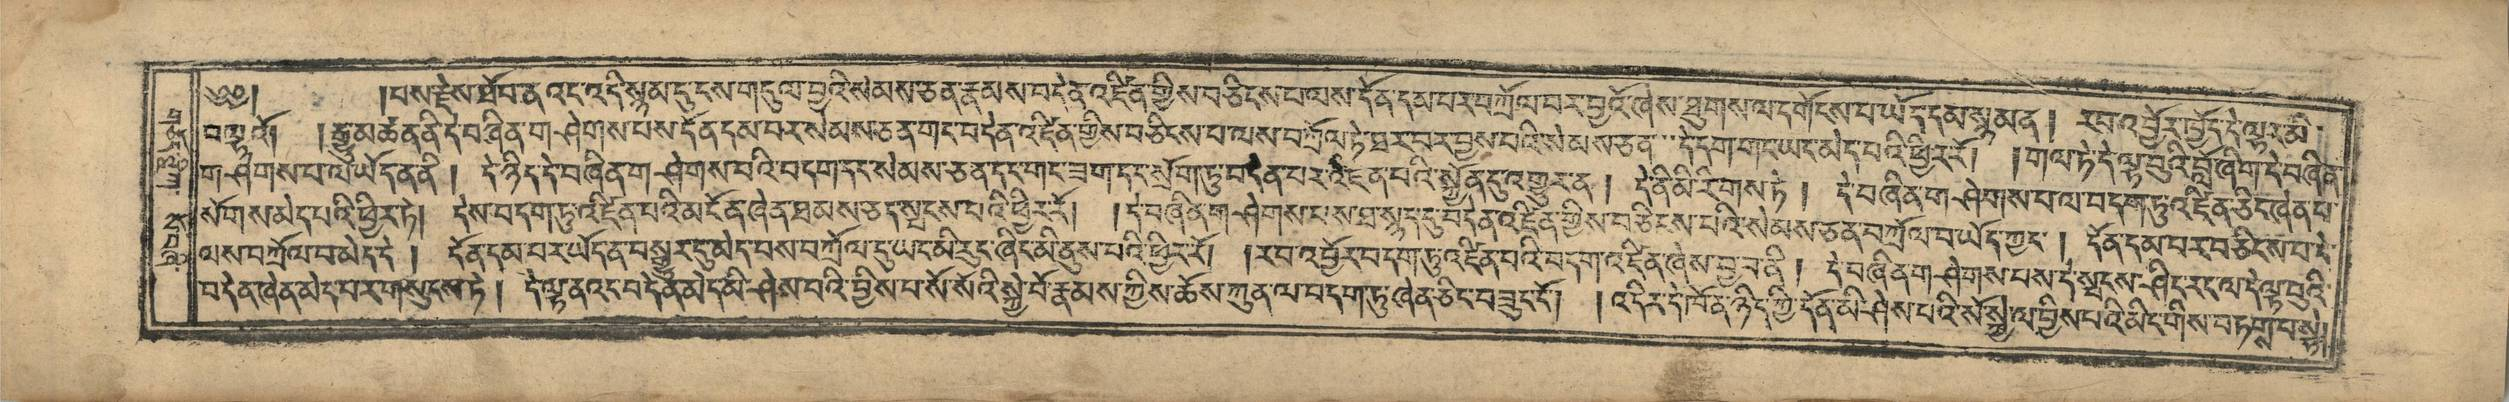༄༅། །པས་རྗེས་ཐོབ་ནའང་འདི་སྙམ་དུ་ངས་གདུལ་བྱའི་སེམས་ཅན་རྣམས་བདེན་འཛིན་གྱིས་བཅིངས་པ་ལས་དོན་དམ་པར་བགྲོལ་བར་བྱའོ་ཞེས་ཐུགས་ལ་དགོངས་པ་ཡོད་དམ་སྙམ་ན། རབ་འབྱོར་ཁྱོད་དེ་ལྟར་མི་
བལྟའོ། །རྒྱུ་མཚན་ནི་དེ་བཞིན་གཤེགས་པས་དོན་དམ་པར་སེམས་ཅན་གང་བདེན་འཛིན་གྱིས་བཅིངས་པ་ལས་བཀྲོལ་ཏེ་ཐར་བར་བྱས་པའི་སེམས་ཅན་དེ་དག་གང་ཡང་མེད་པའི་ཕྱིར་རོ། །གལ་ཏེ་དེ་ལྟ་བུའི་བློ་ཞིག་དེ་བཞིན་
གཤེགས་པ་ལ་ཡོད་ན་ནི། དེ་ཉིད་དེ་བཞིན་གཤེགས་པའི་བདག་དང་སེམས་ཅན་དང་གང་ཟག་དང་སྲོག་ཏུ་བདེན་པར་འཛིན་པའི་སྐྱོན་དུ་འགྱུར་ན། དེ་ནི་མི་རིགས་ཏེ། དེ་བཞིན་གཤེགས་པ་ལ་བདག་ཏུ་འཛིན་ཅིང་ཞེན་པ་
སོགས་མེད་པའི་ཕྱིར་ཏེ། དེས་བདག་ཏུ་འཛིན་པའི་མངོན་ཞེན་ཐམས་ཅད་སྤངས་པའི་ཕྱིར་རོ། །དེ་བཞིན་གཤེགས་པས་ཐ་སྙད་དུ་བདེན་འཛིན་གྱིས་བཅིངས་པའི་སེམས་ཅན་བཀྲོལ་བ་ཡོད་ཀྱང་། དོན་དམ་པར་བཅིངས་པ་དེ་
ལས་བཀྲོལ་བ་མེད་དེ། དོན་དམ་པར་ཡོད་ན་བསྒྱུར་དུ་མེད་པས་བཀྲོལ་དུ་ཡང་མི་རུང་ཞིང་མི་ནུས་པའི་ཕྱིར་རོ། །རབ་འབྱོར་བདག་ཏུ་འཛིན་པའི་བདག་འཛིན་ཞེས་བྱ་བ་ནི། དེ་བཞིན་གཤེགས་པས་དེ་སྤངས་ཤིང་རང་ལ་དེ་ལྟ་བུའི་
བདེན་ཞེན་མེད་པར་གསུངས་ཏེ། དེ་ལྟ་ནའང་བདེན་མེད་མི་ཤེས་པའི་བྱིས་པ་སོ་སོའི་སྐྱེ་བོ་རྣམས་ཀྱིས་ཆོས་ཀུན་ལ་བདག་ཏུ་ཞེན་ཅིང་བཟུང་ངོ། །འདིར་དེ་ཁོ་ན་ཉིད་ཀྱི་དོན་མི་ཤེས་པའི་སོ་སྐྱེ་ལ་བྱིས་པའི་མིང་གིས་བཏགས་པ་སྟེ་